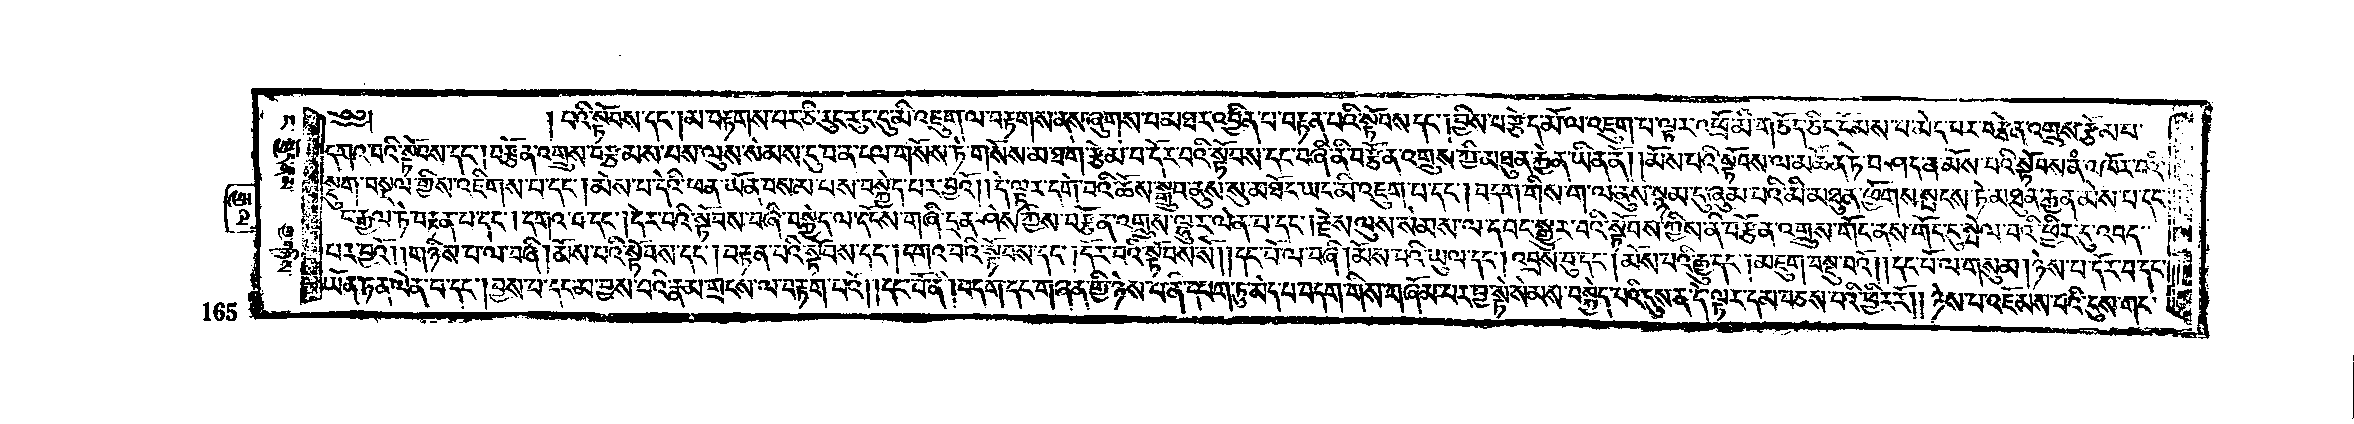༄༅། །པའི་སྟོབས་དང་། མ་བརྟགས་པར་ཅི་རུང་རུང་དུ་མི་འཇུག་ལ་བརྟགས་ནས་ཞུགས་པ་མཐར་འབྱིན་པ་བརྟན་པའི་སྟོབས་དང་། བྱིས་པ་རྩེད་མོ་ལ་འཇུག་པ་ལྟར་འཕྲོ་མི་གཅོད་ཅིང་ངོམས་པ་མེད་པར་བརྩེན་འགྲུས་རྩོམ་པ་
དགའ་བའི་སྟོབས་དང་། བརྩོན་འགྲུས་བརྩམས་པས་ལུས་སེམས་དུ་བ་ན་ངལ་གསོས་ཏེ་གསོས་མ་ཐག་རྩེམ་བ་དོར་བའི་སྟོབས་དང་བཞི་ནི་བཙོན་འགྲུས་ཀྱི་མཐུན་རྐྱེན་ཡིན་ནོ། །མོས་པའི་སྟོབས་ལ་མཚོན་ཏེ་བཤད་ན་མོས་པའི་སྟོབས་ནི་འཁོར་བའི་
སྡུག་བསྔལ་གྱིས་འཇིགས་པ་དང་། མེས་པ་དེའི་ཕན་ཡོན་བསམ་པས་བསྐྱེད་པར་བྱའོ། །དེ་ལྟར་དགེ་བའི་ཆོས་སྒྲུབ་ནུས་སུ་མཐོང་ཡང་མི་འཇུག་པ་དང་། བདག་གིས་ག་ལ་ནུས་སྙམ་དུ་ཞུམ་པའི་མི་མཐུན་ཕྱོགས་སྤངས་ཏེ་མཐུན་རྐྱན་མེས་པ་དང་།
ང་རྒྱལ་ཏེ་བརྟན་པ་དང་། དགའ་བ་དང་། དེར་བའི་སྟོབས་བཞི་བསྐྱེད་ལ་དངོས་གཞི་དྲན་ཤེས་ཀྱིས་བརྩོན་འགྲུས་ལྷུར་ལེན་པ་དང་། རྗེས་ལུས་སེམས་ལ་དབང་སྒྱུར་བའི་སྟོབས་ཀྱིས་ནི་བརྩོན་འགྲུས་གོང་ནས་གོང་དུ་སྤེལ་བའི་ཕྱིར་དུ་འབད་
པར་བྱའོ། །གཉིས་པ་ལ་བཞི། མོས་པའི་སྟོབས་དང་། བརྟན་པའི་སྟོབས་དང་། དགའ་བའི་སྟོབས་དང་། དོར་བའི་སྟོབས་སོ། །དང་པོ་ལ་བཞི། མོས་པའི་ཡུལ་དང་། འབྲས་བུ་དང་། མོས་པའི་རྒྱུ་དང་འཇུག་བསྡུ་བའོ། །དང་པོ་ལ་གསུམ། ཉེས་པ་དོར་བ་དང་།
ཡོན་ཏན་ལེན་པ་དང་། བྱས་པ་དང་མ་བྱས་པའི་རྣམ་གྲངས་ལ་བརྟག་པའོ། །དང་པོ་ནི། བདག་དང་གཞན་གྱི་ཉེས་པ་ནི་དཔག་ཏུ་མེད་པ་བདག་གིས་གཞོམ་པར་བྱ་སྟེ་སེམས་བསྐྱེད་པའི་དུས་ན་དེ་ལྟར་དམ་བཅས་པའི་ཕྱིར་རོ། །ཉེས་པ་འཇོམས་པའི་དུས་གང་